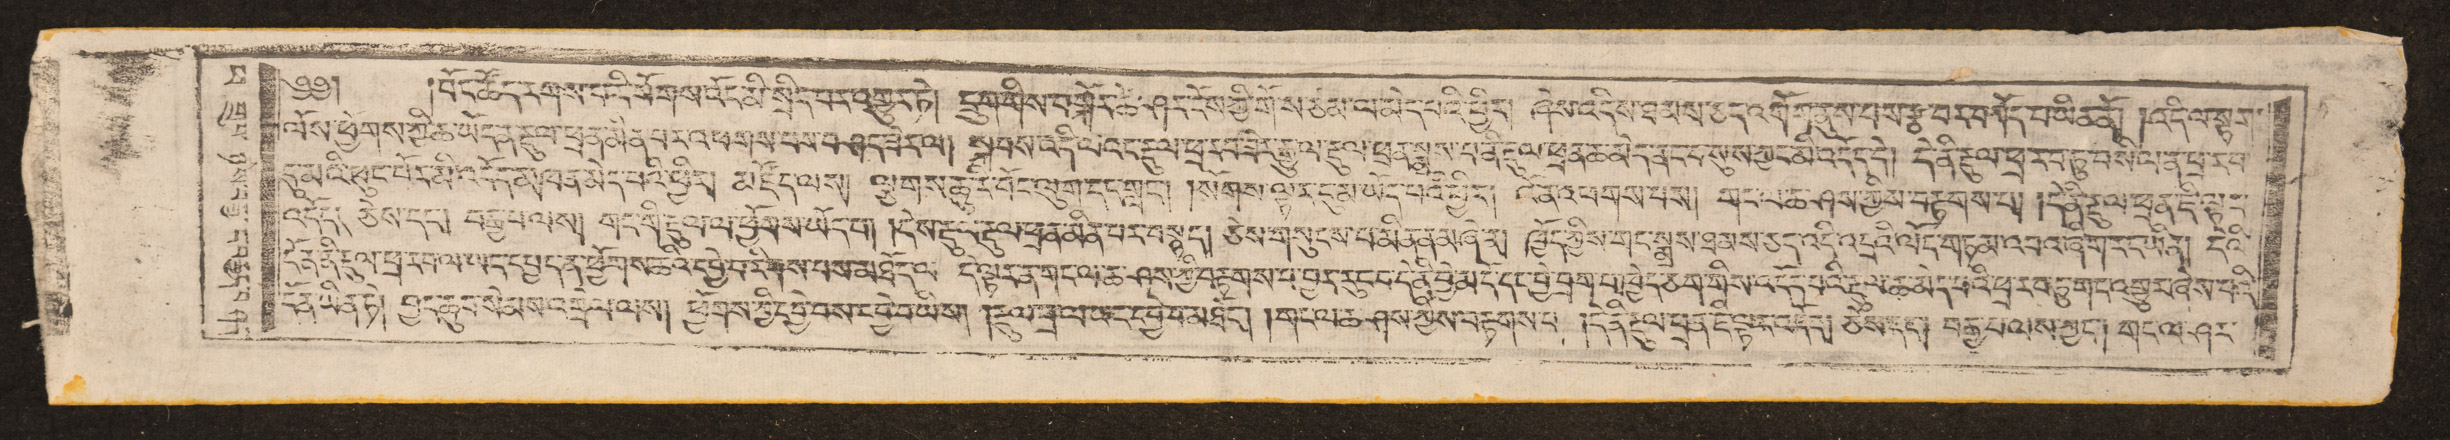༄༅། །བོང་ཚོད་རགས་པ་རི་སོགས་འོད་མི་སྲིད་པར་འགྱུར་ཏེ། དྲུག་གིས་བསྐོར་ཚེ་ཤར་ངོས་ཀྱི་གོ་ས་ཙམ་ལ་མེད་པའི་ཕྱིར། ཞེས་འདིས་ཐམས་ཅད་འགོག་ནུས་པས་རྩ་བར་བཀོད་པ་ཡིན་ནོ། །འདི་ལ་སྟག་
ལོས་ཕྱོགས་ཀྱི་ཆ་ཡོད་ན་རྡུལ་ཕྲན་མིན་པར་འཕགས་པས་བཤད་ཟེར་ལ། སྐབས་འདི་ལའང་རྡུལ་ཕྲ་རབ་ཟེར་རྒྱུལ་རྡུལ་ཕྲན་སྨྲས་པ་ནི་རྡུལ་ཕྲན་ཆ་མེད་ནང་བ་སུས་ཀྱང་མི་འདོད་དེ། དེ་ནི་རྡུལ་ཕྲ་རབ་ཏུ་བསིལ་ན་ཕྲ་རབ་
དུ་མའི་ཕུང་པོར་མི་འདོད་མཁན་མེད་པའི་ཕྱིར། མཛོད་ལས། ལྕགས་ཆུ་རི་བོང་ལུག་དང་གླང་། །སོགས་ལྟར་དུ་མ་ཡོད་པའི་ཕྱིར། ལོན་འཕགས་པས། གང་ལ་ཆ་ཤས་ཀྱིས་བརྟགས་པ། །དེ་ནི་རྡུལ་ཕྲན་ཇི་ལྟར་
འདོད༑ ཅེས་དང་། བརྒྱ་པ་ལས། གང་གི་རྡུལ་ལ་ཕྱོགས་ཡོད་པ། །དེས་རྡུལ་རྡུལ་ཕྲན་མིན་པར་བསྙད། ཅེས་གསུངས་པ་མིན་ནམ་ཞེ་ན། ཁྱོད་ཀྱིས་གང་སྨྲས་ཐམས་ཅད་འདི་འདྲའི་ལོང་གཏམ་འབའ་ཞིག་རང་ཡིན། དེའི་
དོན་ནི་རྡུལ་ཕྲ་རབ་ལ་ཡང་དཔྱད་ན་ཕྱོགས་ཆའི་དབྱེ་བ་རིགས་པས་མཐོང་ལ། དེ་ལྟར་ན་གང་ལ་ཆ་ཤས་ཀྱི་བརྟགས་པ་བྱར་རུང་བདེ་ནི་བྱེ་མདོ་དང་བྱེ་བྲག་པ་ཁྱེད་ཅག་གིས་འདོད་པའི་རྡུལ་ཆ་མེད་པའི་ཕྲ་རབ་ཏུ་གང་འགྱུར་ཞེས་པའི་
དོན་ཡིན་ཏེ། བྱང་ཆུབ་སེམས་འགྲེལ་ལས། ཕྱོགས་ཀྱི་དབྱེ་བས་དབྱེ་བ་ཡིས། །རྡུལ་ཕྲལ་ཡང་དབྱེ་བ་མཐོང་། །གང་ལ་ཆ་ཤས་ཀྱིས་བརྟགས་པ། །དེ་ནི་རྡུལ་ཕྲན་ཇི་ལྟར་འདོད། ཅེས་དང་། བརྒྱ་པ་ལས་ཀྱང་། གང་ལ་ཤར་